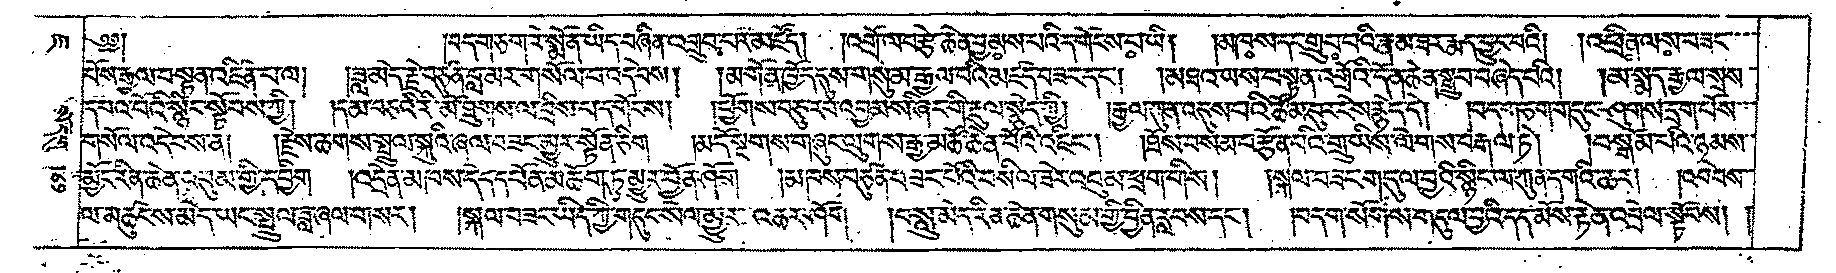༄༅། །བདག་ཅག་རེ་སྨོན་ཡིད་བཞིན་འགྲུབ་པར་མཛོད། །འགྲོ་ལ་བརྩེ་ཆེན་བྱམས་པའི་དགོངས་པ་ཡི། །མཁས་དང་གྲུབ་པའི་རྣམ་ཐར་རྨད་བྱུང་བའི། །འཕྲིན་ལས་བཟང་
པོས་རྒྱལ་བསྟན་འཛིན་པ་ལ། །ཟླ་མེད་རྗེ་བཙུན་བླ་མར་གསོལ་བ་འདེབས། །མགོན་ཁྱོད་དུས་གསུམ་རྒྱལ་བའི་མཛད་བཟང་དང་། །མཐའ་ཡས་བསྟན་འགྲོའི་དོན་ཆེན་སྒྲུབ་བཞེད་པའི། །མ་སྨད་རྒྱལ་སྲས་
དཔའ་བོའི་སྙིང་སྟོབས་ཀྱི། །དམ་བཅའི་རི་མོ་ཐུགས་ལ་བྲིས་པ་དགོངས། །ཕྱོགས་བཅུ་རབ་འབྱམས་ཞིང་གི་རྔུལ་སྙེད་ཀྱི། །རྒྱལ་ཀུན་འདུས་པའི་ཚོམ་བུར་ངེས་རྙེད་དེ། །བདག་ཅག་གདུང་ཤུགས་དྲག་པོས་
གསོལ་འདེབས་ན། །རྗེས་ཆགས་སྤྲུལ་སྐུའི་ཞལ་བཟང་མྱུར་སྟོན་ཅིག །མདོ་སྔགས་གཞུང་ལུགས་རྒྱ་མཚོ་ཆེན་པོའི་འཇིང་། །ཐོས་བསམ་བརྩོན་པའི་གྲུ་ཡིས་ལེགས་བརྒལ་ཏེ། །བསྒོམ་པའི་ཉམས་
མྱོང་རིན་ཆེན་འབུམ་གྱི་དབྱིག །འདྲེན་མཁས་དེད་དཔོན་མཆོག་ཏུ་མྱུར་བྱོན་ཤོག །མཁས་བཙུན་བཟང་པོའི་བསིལ་ཟེར་འབུམ་ཕྲག་གིས། །སྐལ་བཟང་གདུལ་བྱའི་སྙིང་ལ་ཀུན་དགའི་ཆར། །འབེབས་
ལ་མཚུངས་མེད་ཡང་སྤྲུལ་ཟླ་ཞལ་གསར། །སྐལ་བཟང་ཡིད་ཀྱི་གདུང་སེལ་མྱུར་འཆར་ཤོག །བསླུ་མེད་རིན་ཆེན་གསུམ་གྱི་བྱིན་རླབས་དང་། །བདག་སོགས་གདུལ་བྱའི་དད་མོས་རྟེན་འབྲེལ་སྟོབས། །